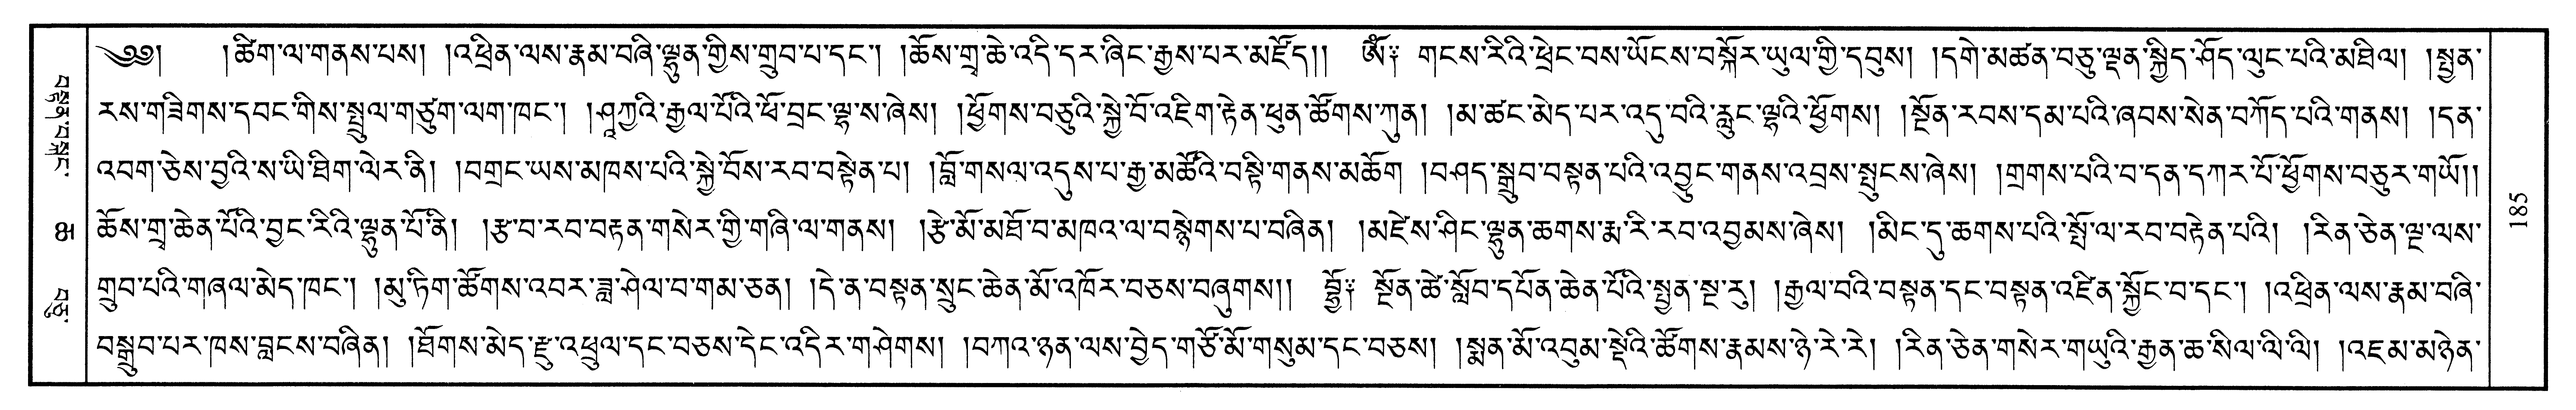༄༅། །ཚིག་ལ་གནས་པས། །འཕྲིན་ལས་རྣམ་བཞི་ལྷུན་གྱིས་གྲུབ་པ་དང་། །ཆོས་གྲྭ་ཆེ་འདི་དར་ཞིང་རྒྱས་པར་མཛོད།། ཨོཾ༑ གངས་རིའི་ཕྲེང་བས་ཡོངས་བསྐོར་ཡུལ་གྱི་དབུས། །དགེ་མཚན་བཅུ་ལྡན་སྐྱིད་ཤོད་ལུང་པའི་མཐིལ། །སྤྱན་
རས་གཟིགས་དབང་གིས་སྤྲུལ་གཙུག་ལག་ཁང་། །ཤཱཀྱའི་རྒྱལ་པོའི་ཕོ་བྲང་ལྷ་ས་ཞེས། །ཕྱོགས་བཅུའི་སྐྱེ་བོ་འཇིག་རྟེན་ཕུན་ཚོགས་ཀུན། །མ་ཚང་མེད་པར་འདུ་བའི་རླུང་ལྷའི་ཕྱོགས། །སྔོན་རབས་དམ་པའི་ཞབས་སེན་བཀོད་པའི་གནས། །དན་
འབག་ཅེས་བྱའི་ས་ཡི་ཐིག་ལེར་ནི། །བགྲང་ཡས་མཁས་པའི་སྐྱེ་བོས་རབ་བསྟེན་པ། །བློ་གསལ་འདུས་པ་རྒྱ་མཚོའི་བསྟི་གནས་མཆོག །བཤད་སྒྲུབ་བསྟན་པའི་འབྱུང་གནས་འབྲས་སྤུངས་ཞེས། །གྲགས་པའི་བ་དན་དཀར་པོ་ཕྱོགས་བཅུར་གཡོ།།
ཆོས་གྲྭ་ཆེན་པོའི་བྱང་རིའི་ལྷུན་པོ་ནི། །རྩ་བ་རབ་བརྟན་གསེར་གྱི་གཞི་ལ་གནས། །རྩེ་མོ་མཐོ་བ་མཁའ་ལ་བསྙེགས་པ་བཞིན། །མཛེས་ཤིང་ལྷུན་ཆགས་རྨ་རི་རབ་འབྱམས་ཞེས། །མིང་དུ་ཆགས་པའི་སྤོ་ལ་རབ་བརྟེན་པའི། །རིན་ཅེན་ལྔ་ལས་
གྲུབ་པའི་གཞལ་མེད་ཁང་། །མུ་ཏིག་ཚོགས་འབར་ཟླ་ཤེལ་བ་གམ་ཅན། །དེ་ན་བསྟན་སྲུང་ཆེན་མོ་འཁོར་བཅས་བཞུགས། །བྷྱོ༑ སྔོན་ཚེ་སློབ་དཔོན་ཆེན་པོའི་སྤྱན་སྔ་རུ། །རྒྱལ་བའི་བསྟན་དང་བསྟན་འཛིན་སྐྱོང་བ་དང་། །འཕྲིན་ལས་རྣམ་བཞི་
བསྒྲུབ་པར་ཁས་བླངས་བཞིན། །ཐོགས་མེད་རྫུ་འཕྲུལ་དང་བཅས་དེང་འདིར་གཤེགས། །བཀའ་ཉན་ལས་བྱེད་གཙོ་མོ་གསུམ་དང་བཅས། །སྨན་མོ་འབུམ་སྡེའི་ཚོགས་རྣམས་ཉེ་རེ་རེ། །རིན་ཅེན་གསེར་གཡུའི་རྒྱན་ཆ་སིལ་ལི་ལི། །འཇམ་མཉེན་